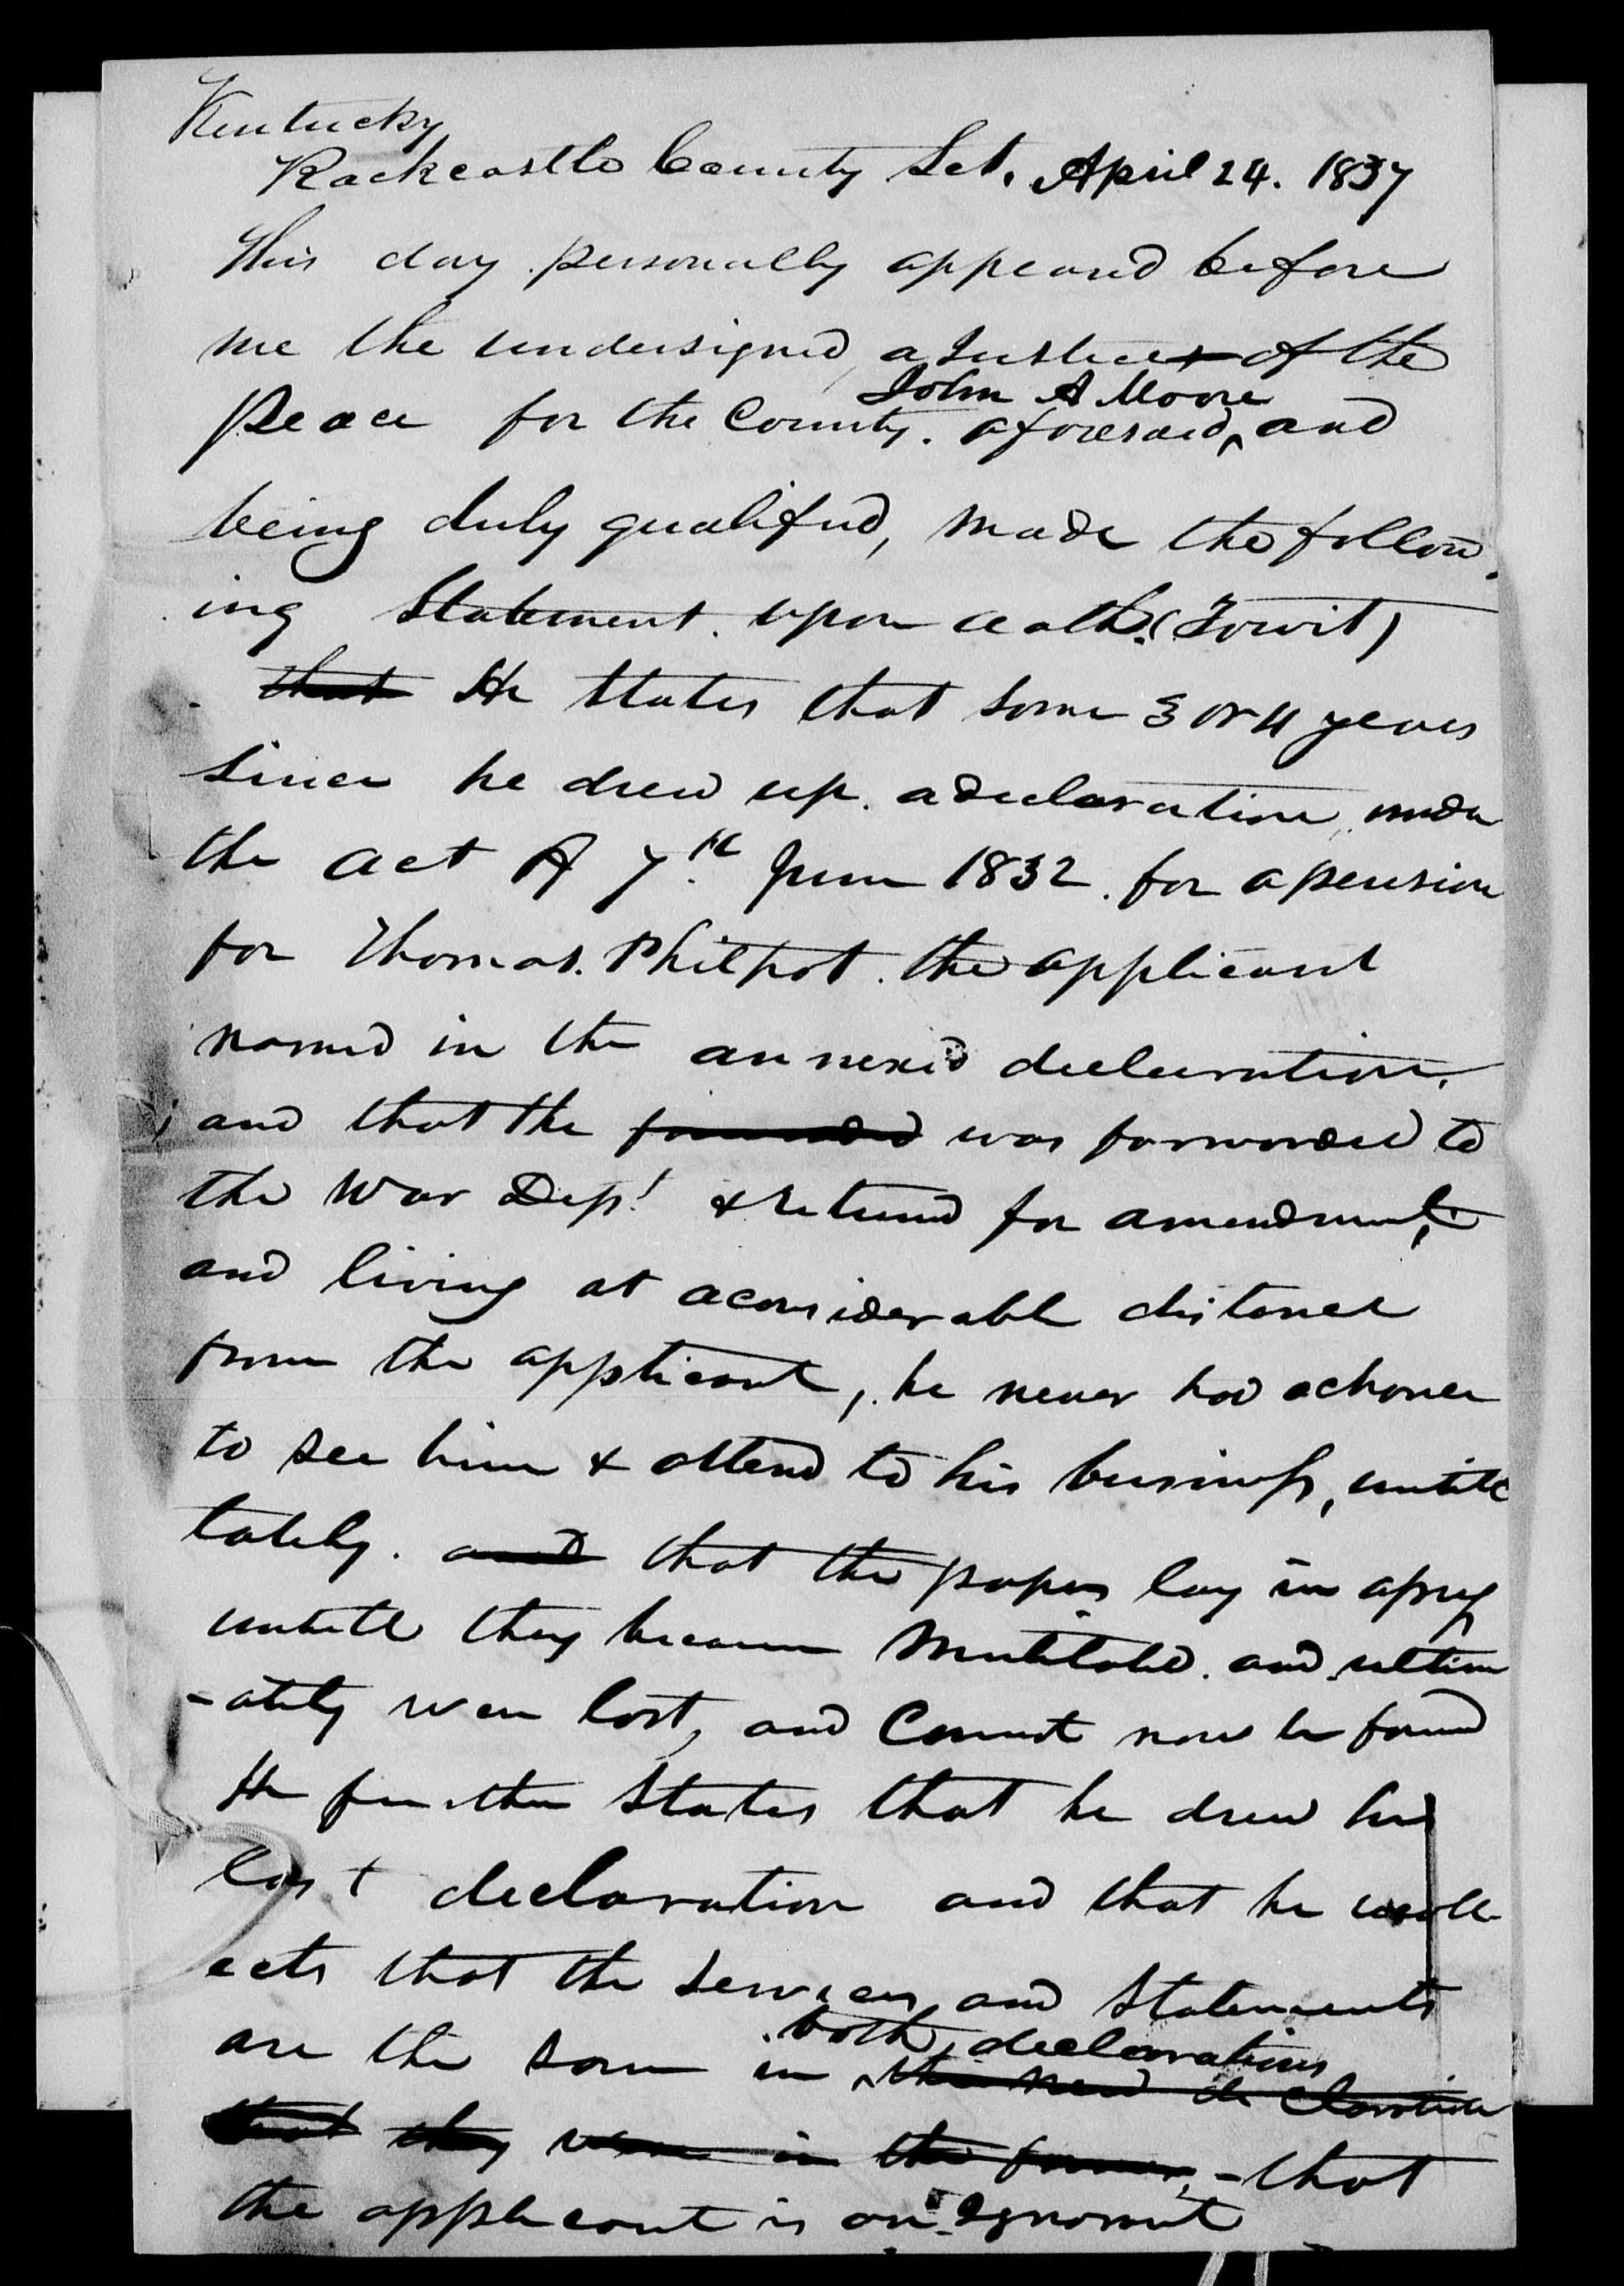Kentucky Rockcastle County
April 24. 1837
this day personally appeared before
me the undersigned a Justice of the
Peace for the County aforesaid and
being duly qualified, made the following statement upon oath To wit
that He states that some 3 or 4 years
since he drew up a declaration under the act of 7th June 1832, for a pension for Thomas Philpot the applicant named in the annexed declaration and that was forwarded to the War Dept & returned for amendment and living at considerable distance from the applicant, he never had a chance 
to see him & attend to his business until lately, and that the papers lay in [illegible] untill they become mutilated and ultimately were lost, and cannot now be found
the further states that he drew his
last declaration and that he recollects that the services and Statements
are the same in both declarations
that the applicant is an ignorant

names: John A Moore; Thomas Philpot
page: 34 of 43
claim: rejected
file: R. 8217, for Thomas Philpot, South Carolina